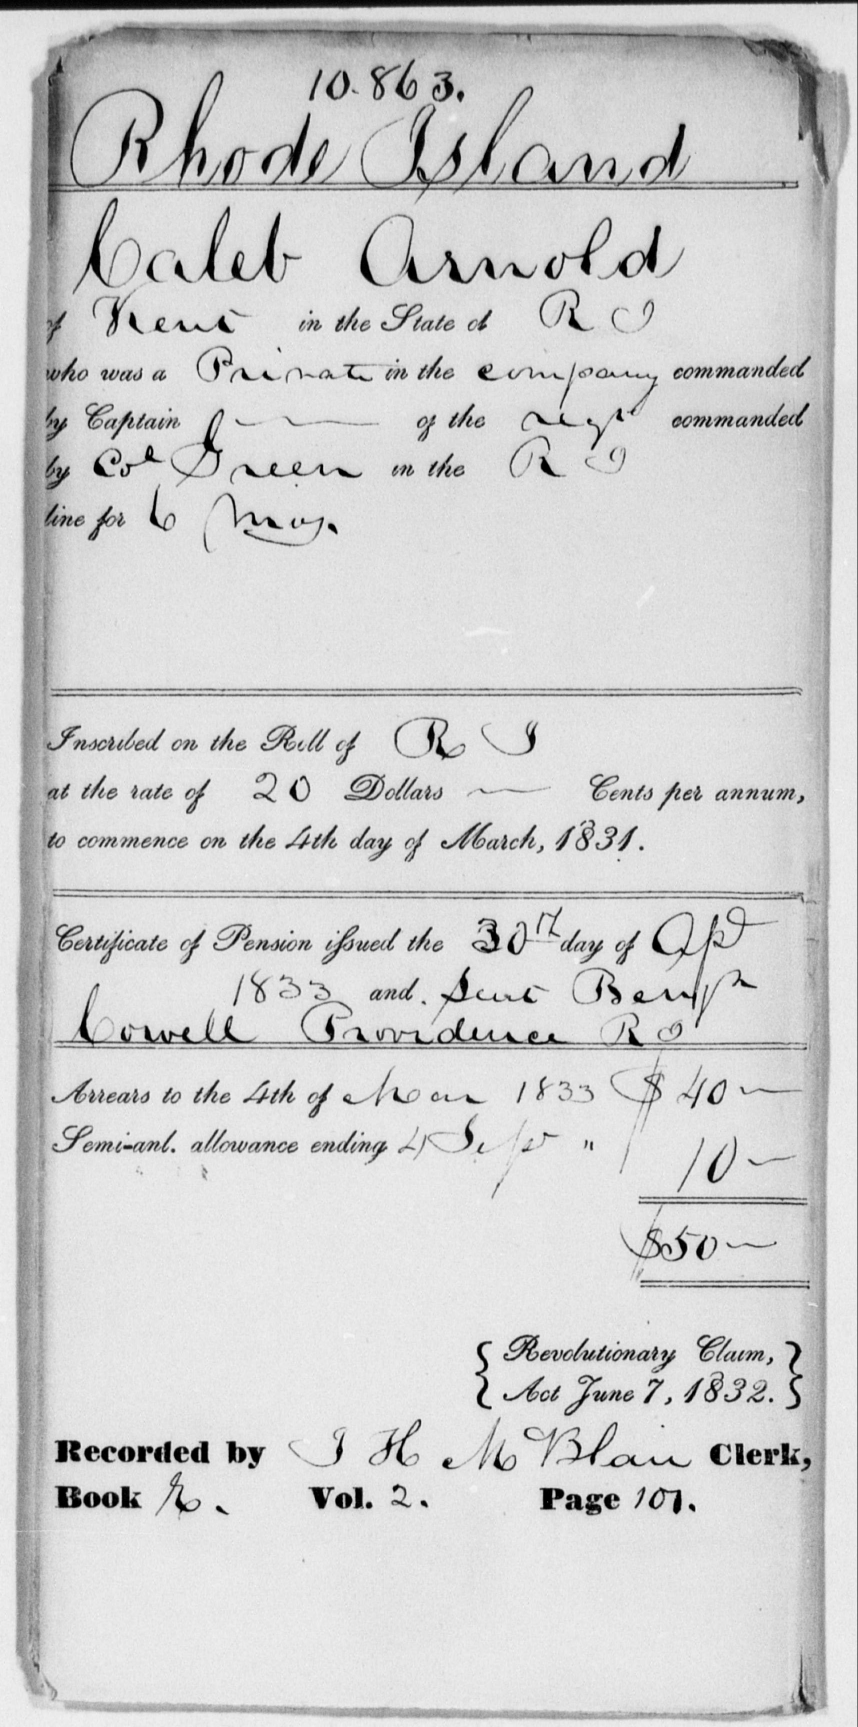10.863.
Rhode Island
Caleb Arnold of Kent in the State of RI who was a Private in the company commanded by Captain --- of the reg commanded by Col Green in the RI line for 6 months.
Inscribed on the Roll of RI at the rate of 20 Dollars --- Cents per annum, to commence on the 4th day of March 1831.
Certificate of Pension issued the 30th day of Apl 1833 and [illegible] [illegible] Cowell Providence RI
Arrears to the 4th of [illegible] 1833 $40
Semi-anl. allowance ending 4 Sept " 10
[underline] $50 [underline]
Revolutionary Claim, Act June 7, 1832.
Recorded by J H M Blair Clerk,
Book[illegible] . Vol. 2. Page 107.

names: Benjn Cowell, Caleb Arnold, Green, J H Mc Blair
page: 2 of 29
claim: widow's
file: W. 2582, Caleb Arnold, R.I.